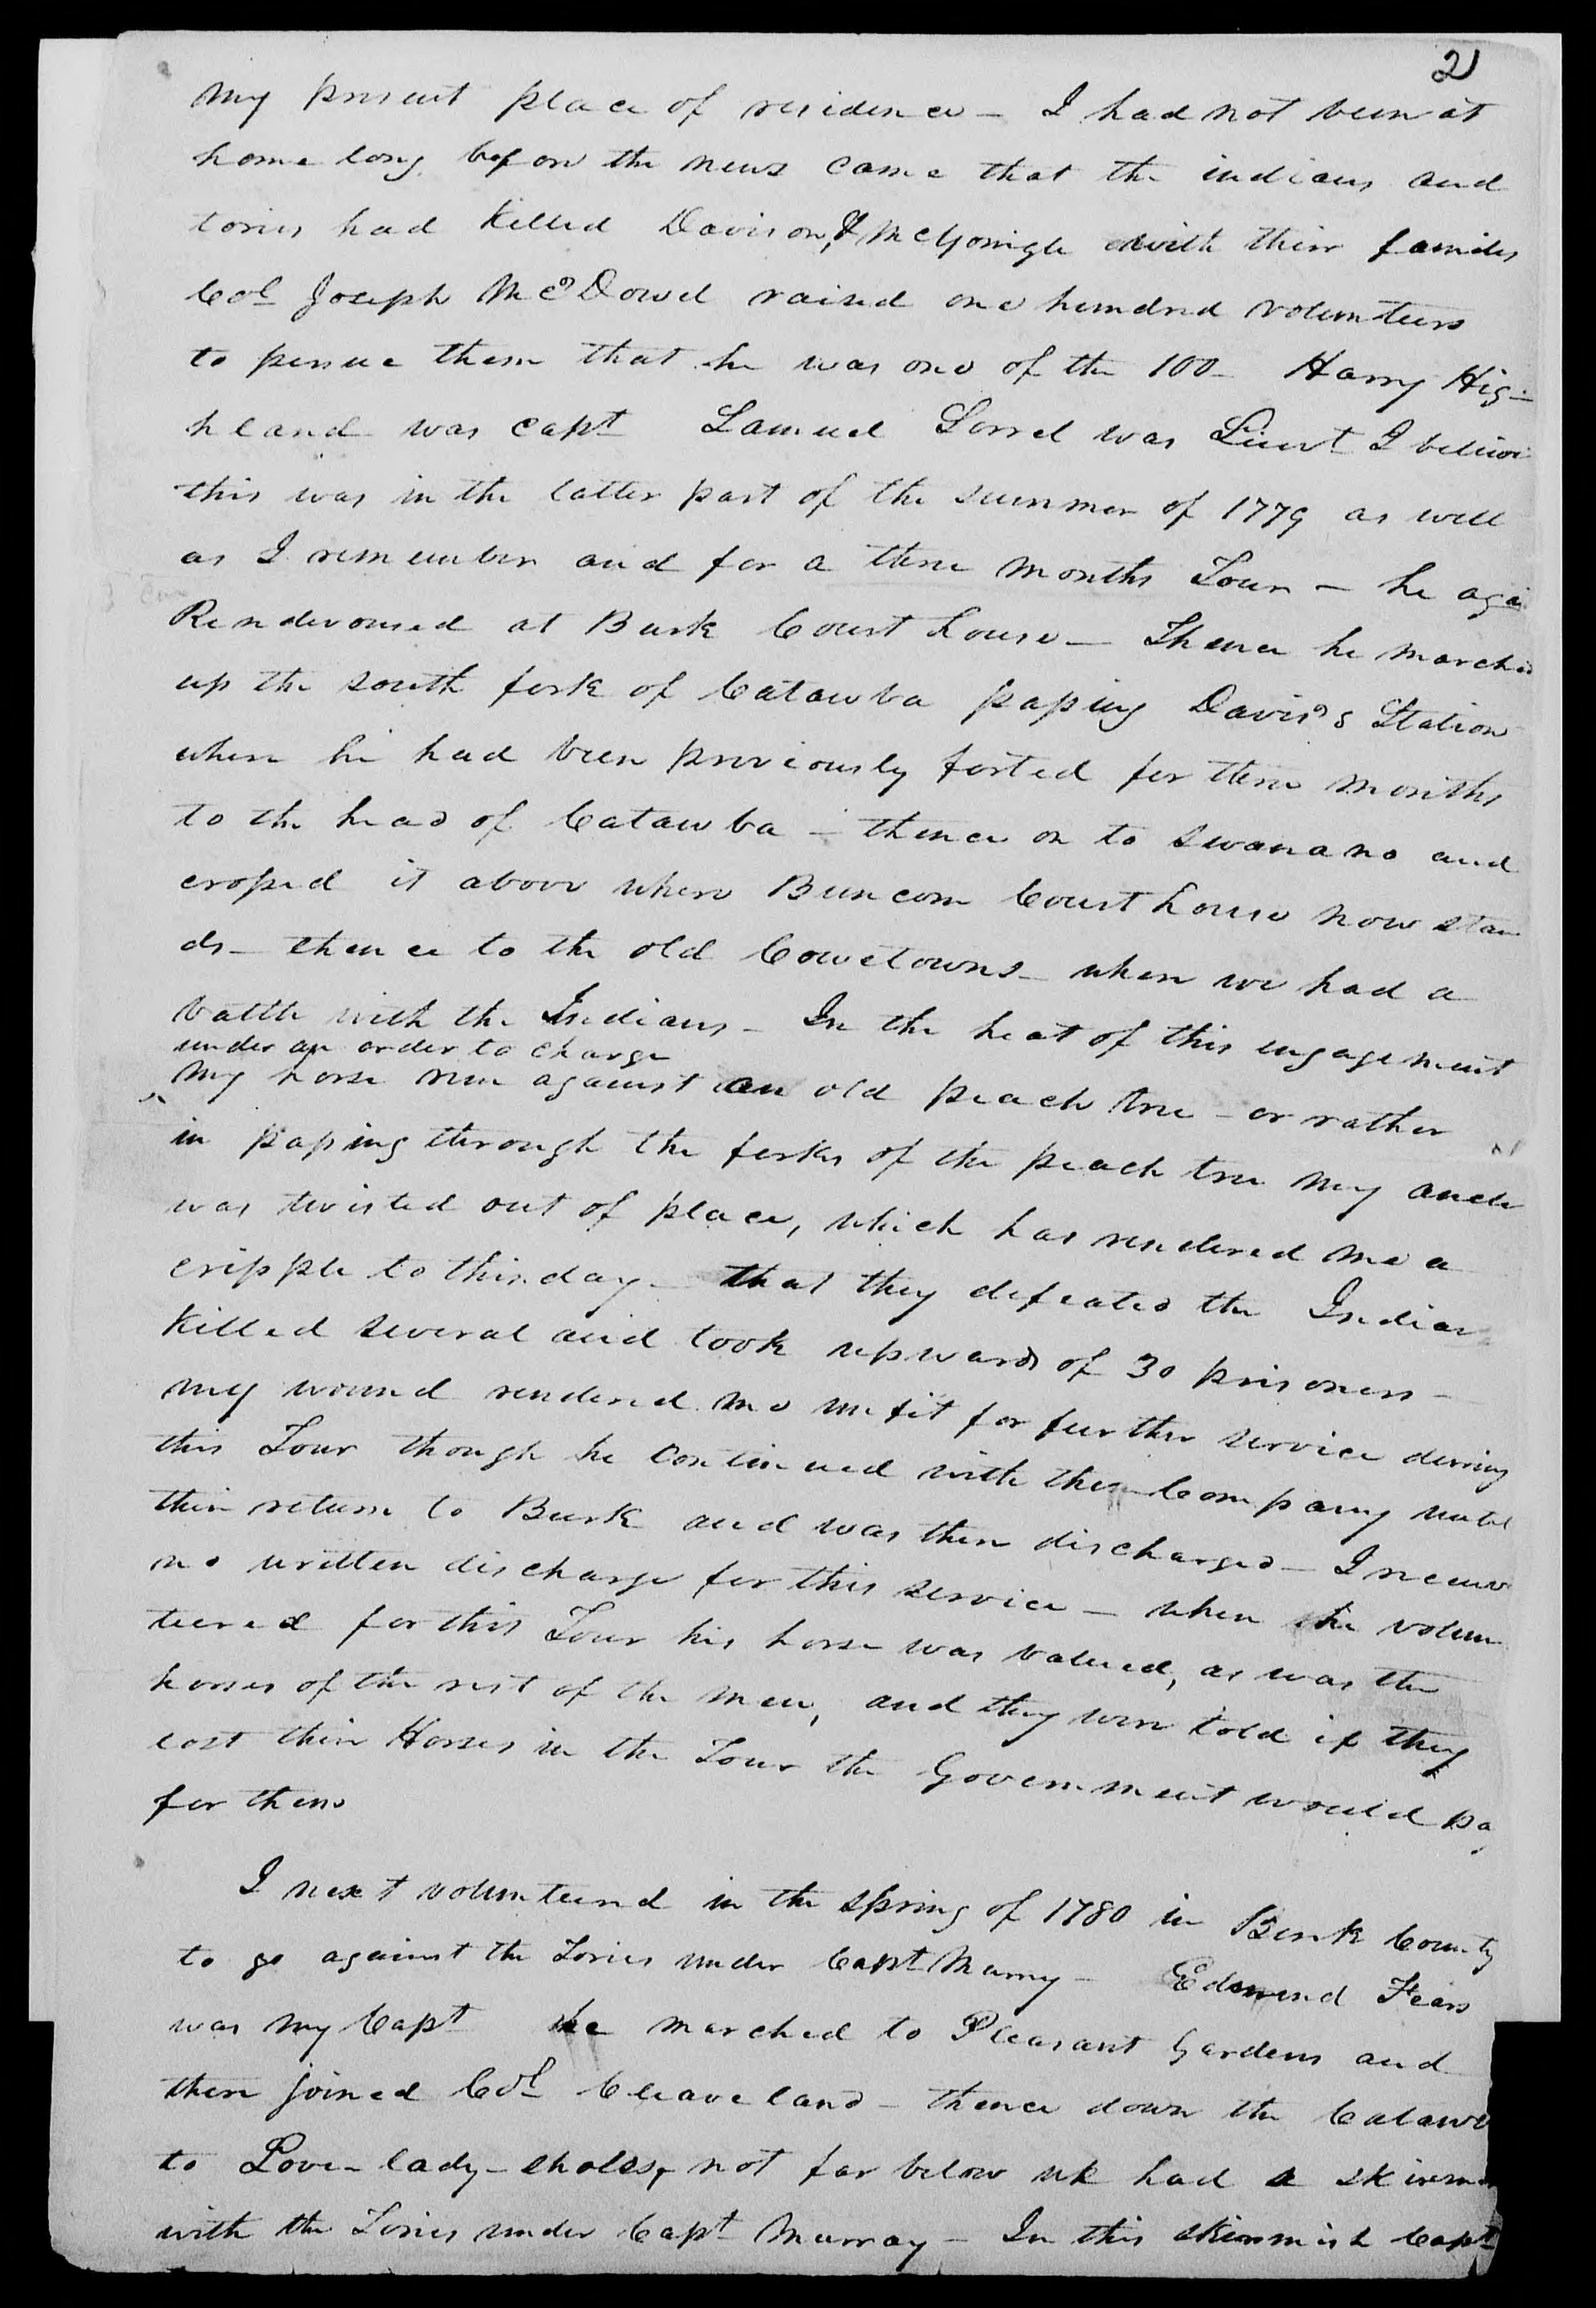my present place of residence--I had not been at
home long before the news came that the Indians and
Tories had killed Davison & McGonigle with their families
Col. Joseph McDowell raised one hundred volunteers
to persue them that he was one of the 100--Harry 
Highland was Capt. Samuel Sorrel was Lieut. I believe
this was in the latter part of the summer of 1779 as well
as I remember and for a three months tour--he again
rendezvoused at Burk Court house---thence he marched
up the south fork of Catawba passing Davi's Station
where he had been previously forted for three months
to the head of Catawba-- thence on the to Savannah and
crossed it above when Buncom Court house now stands
thence to the old Cowtowns-- when we had a
battles with the Indians.  In the heat of this engagement
under an order to charge my horse ran against an old peach tree--or rather in passing through the forks of
the peach tree my ankle was twisted out of place, which 
has rendered me a cripple to this day.--that they defeated the Indians killed several and took rewards of 30 prisoners
my wound rendered me unfit for further service during
this Tour though he continued with the Company until
their return to Burk and was then discharged-- I received
no written discharge for this service--when he volunteered for this Tour his horse was valued, as was the
horses of the rest of the men, and the were told if they
lost their horses in the Tour the Government would pay
for them.
I next volunteered in the spring of 1780 in Burk County
to go against the Tories under Capt. Manny--Edmund Feirs was my Capt .  We marched to Pleasant Gardens and then joined Col. Cleaveland--thence down the  Catawba to Lovelady shoals , not far below we had a skirmish with the Tories under Capt Murray.  In this
skirmish Capt.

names: Davison, Murray, Edmund Fears, Lamuel Lowel, Harry Highland, Joseph Mc Dowel, Cleaveland, Murrey, Mc Gonigle, Pleasant Gardens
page: 6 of 33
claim: survivor's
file: S. 15305, Richard Ballew, N.C.